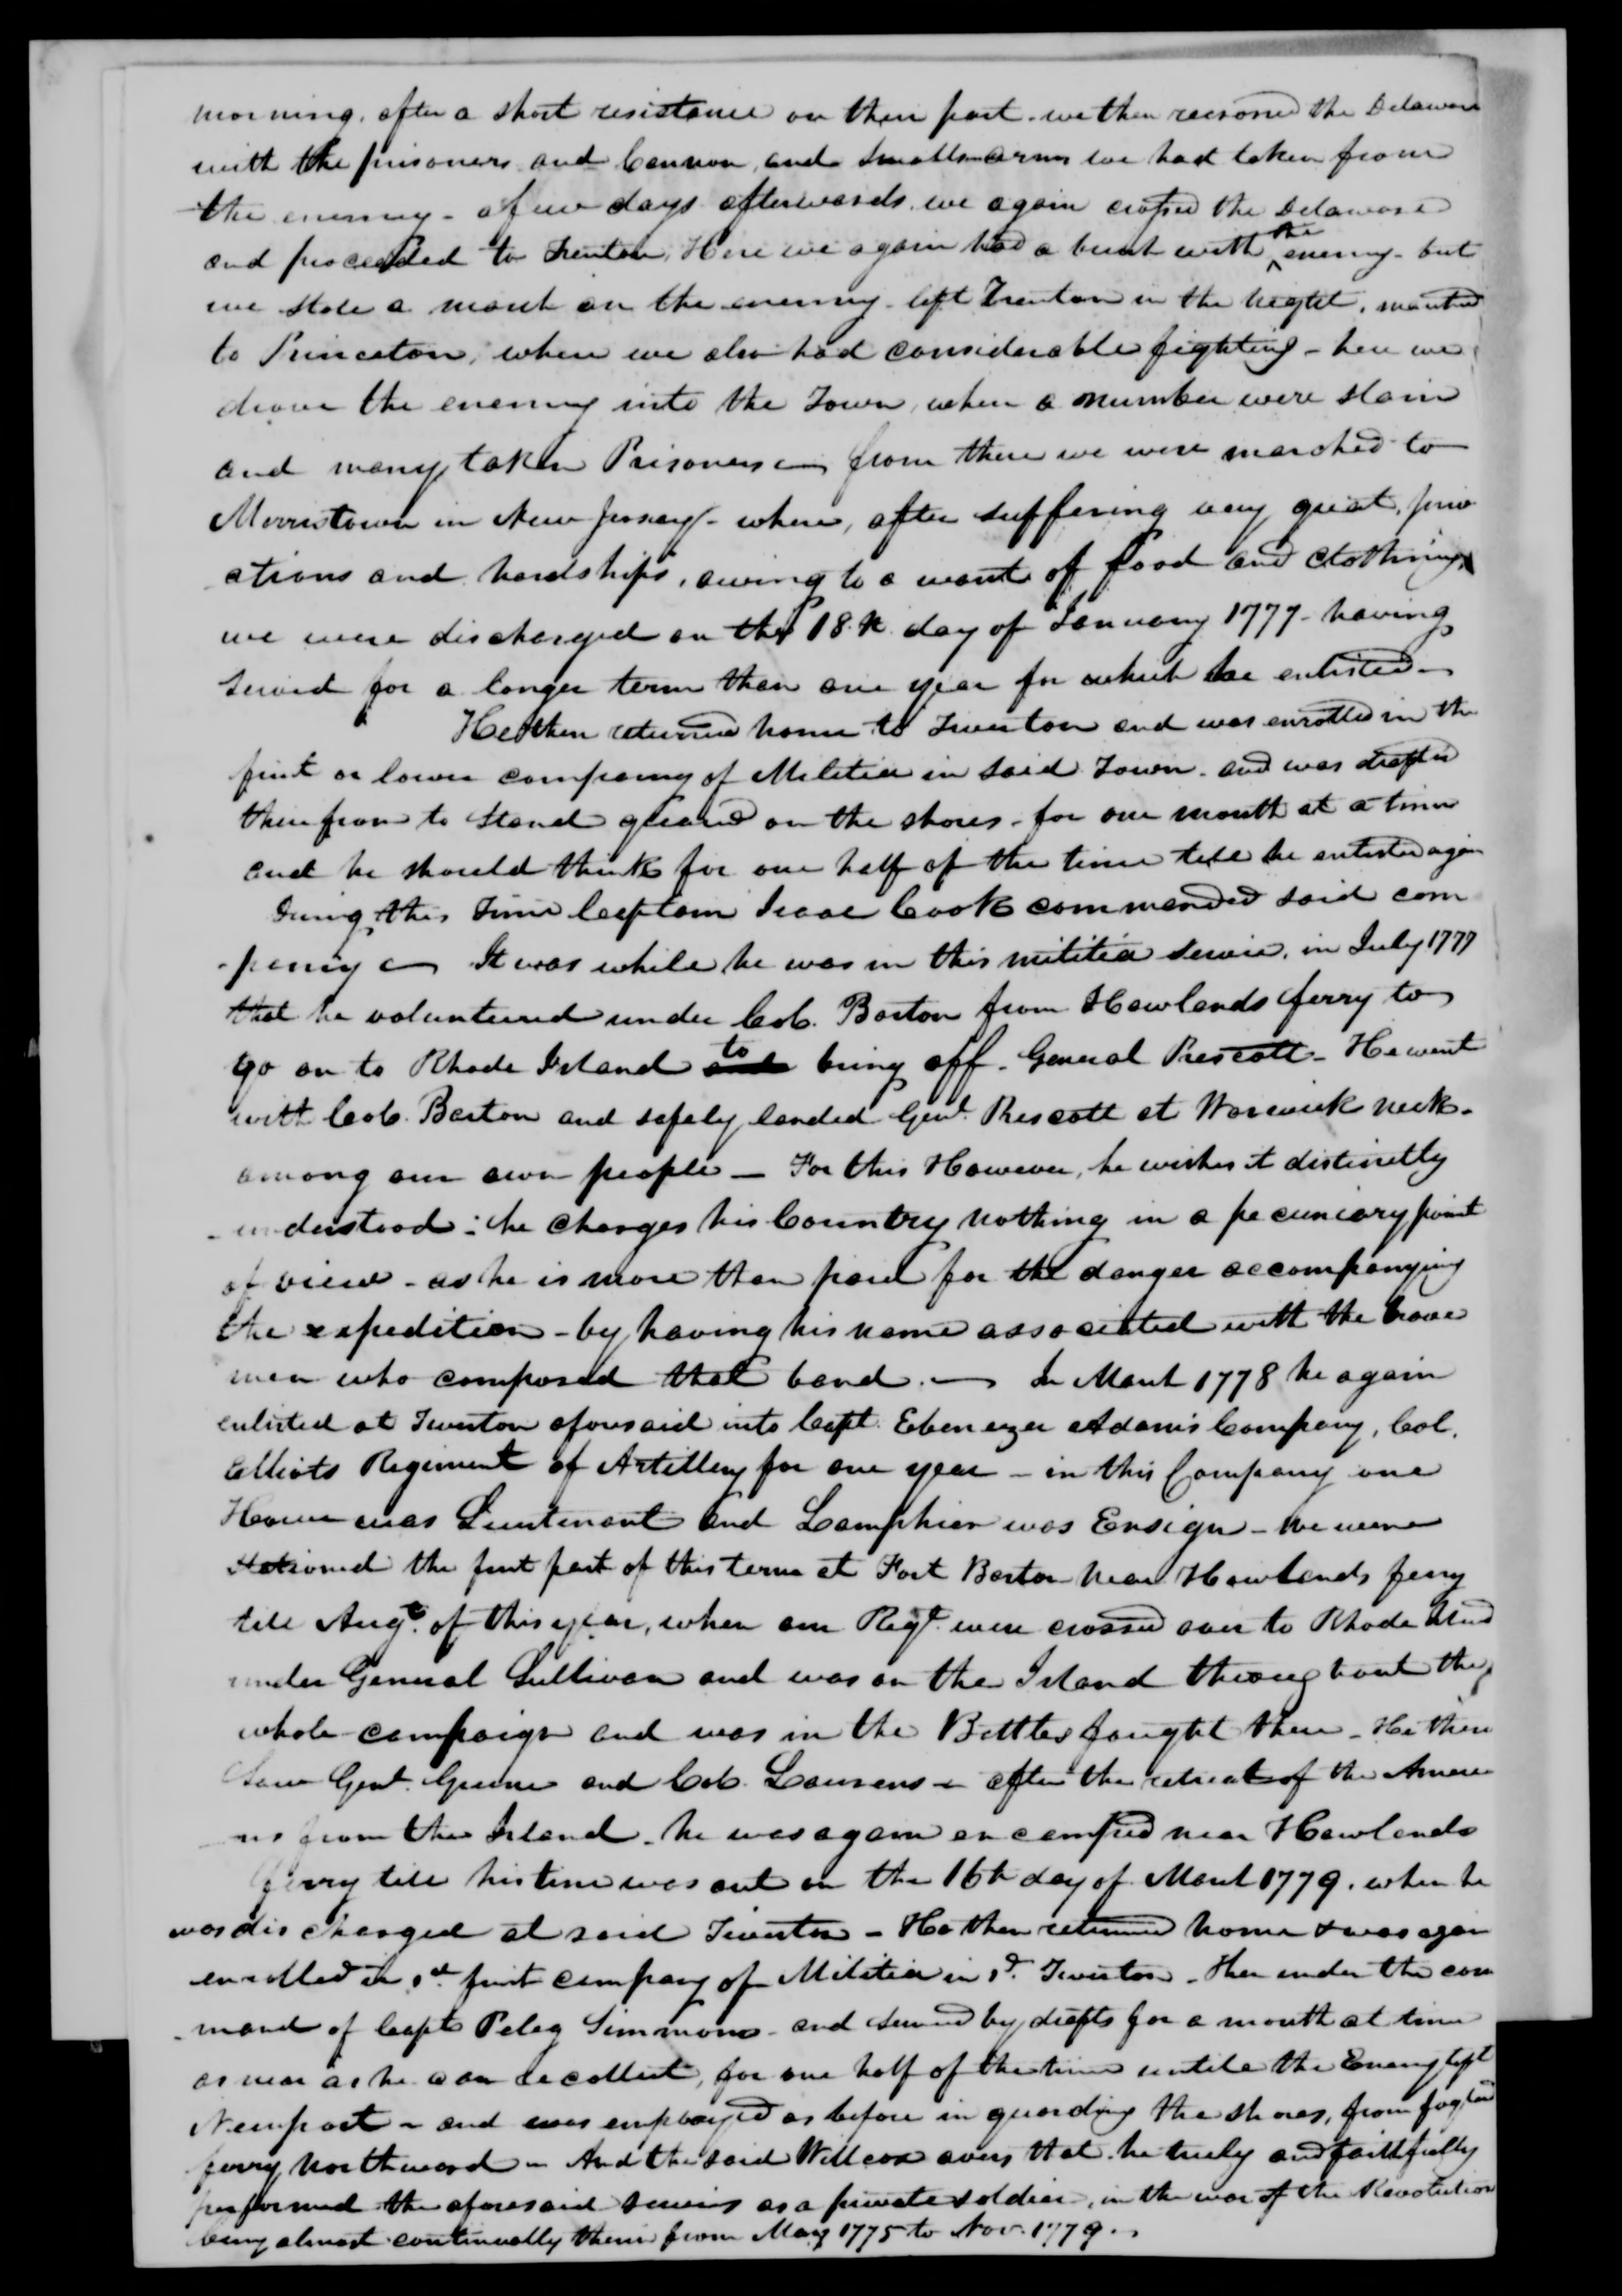morning, after a short resistance on their part, we then recrossed the Delaware
with the prisoners and Cannon, and small arms we had taken from
the enemy. a few days afterwards we again crossed the Delaware
and proceeded to Trenton. Here we again had a brush with the enemy, but
we stole a [illegible] in the enemy left Trenton in the night, marched
to Princeton, where we also had considerable fighting - here we
drove the enemy into the Town where a number were slain
and many taken Prisoners- from there we were marched to
Morristown in New Jersey where, after suffering very great privations and hardships, owing to a want of food and clothing
we were discharged on the 18th day of January 1777 - having
served for a longer term than one year for which he enlisted
He then returned home to Tiverton and was enrolled in the
first or lower company of Militia in said Town, and was drafted
therefrom to stand guard on the shores, for one month at a time
and he should think for one half of the time till he enlisted again
during this time Captain Isaac Cook commanded said company-- It was while he was in this militia service in July 1777
that he volunteehttps://catalog.archives.gov/images/misc/drag.pngred under Col. Boston from Howlands Ferry to
go on to Rhode Island to bring off. General Prescott. He went with
Col. Barton and safely landed Genl. Prescott at Warwick neck.
among our own people. For this However, he wishes it distinctly
understood he charges his country nothing in a pecuniary point
of view, as he is more than paid for the danger accompanying
the expedition, by having his name associated with the brave
men who composed that band - In March 1778 he again
enlisted at Tiverton aforesaid into Capt Ebenezer Adam's Company, Col.
Elliotts Regiment of Artillery for one year- in this Company one
[illegible] was Lieutenant [illegible] Lamphier was Ensign - We were
stationed the first part of this term at Fort Berton near Howlands ferry
till Augt of this year, when one Regt was crossed over to Rhode and
under General Sullivan and was on the Island throughout the
whole campaign and was in the Battles fought there. He then
Saw Genl Greene and Col. Laurens after the retreat of the Americans
in the Island, he was again encamped near Howlands
ferry till his time was out on the 16th day of March 1779. when he
was discharged at said Tiverton. He then returned home & was again
enrolled in [illegible] jointt company of Militia in 1st Tiverton, then under the command of Capt Peleg Simmons. and served by [illegible] for a month at time
as near as he can recollect, for one half of the time until the enemy left
Newport- and was employed as before in guarding the shores, from [illegible]
ferry Northward. And the said Willcox avers that he truly and faithfully, performed the aforesaid services as a private soldier, in the war of the Revolution
being almost continually therein from May 1775 to Nov. 1779.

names: Greene, Prescott Hewent, Lamphier, Boston, Peleg Simmons, Willcox, Sullivan, Laurens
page: 9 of 39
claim: widow's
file: W. 26046, Thomas Willcox, R.I.